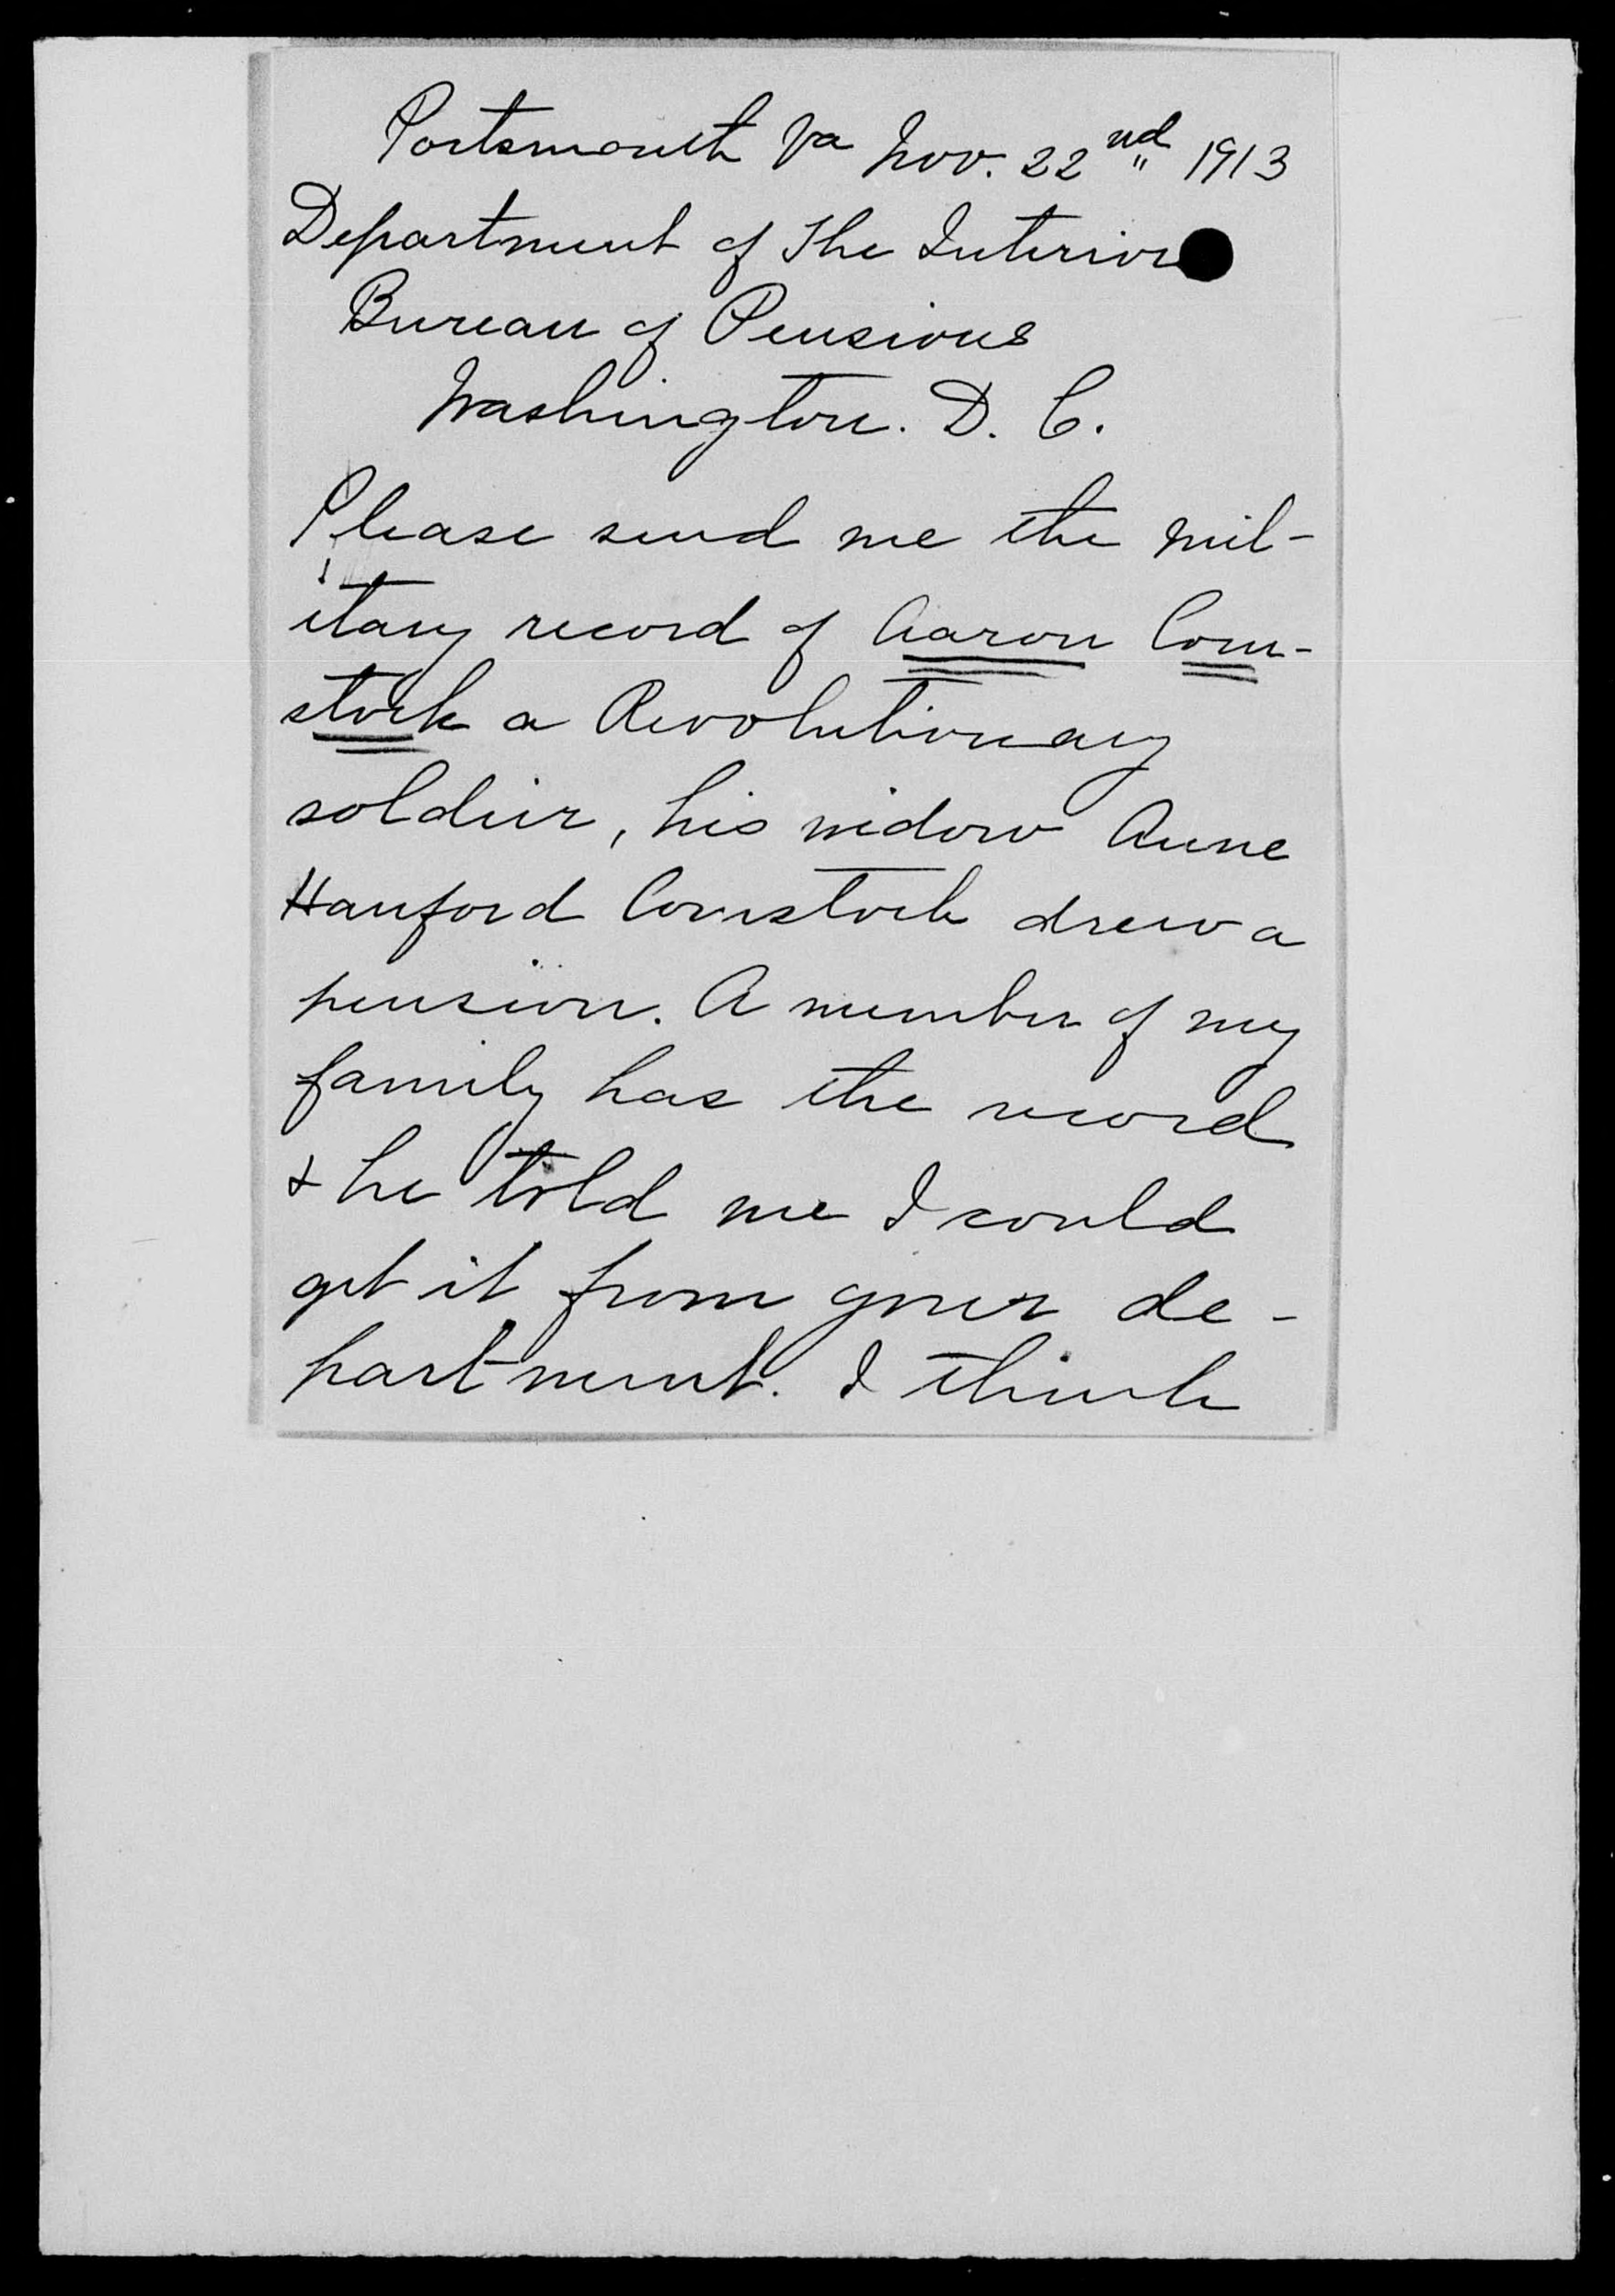Portsmouth Va Nov. 22nd 1913
Department of the Interior
Bureau of Pensions
Washington. D. C.

Please send me the military record of Aaron Comstock [underlined, twice] a Revolutionary soldier, his widow [underlined] Anne Hanford Comstock drew a pension. A member of my family has the record & he told me I could get it from your department. I think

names: Anne Hanford Comstock, Aaron Comstock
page: 23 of 43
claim: widow's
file: W. 17,647, Aaron Comstock, Conn.